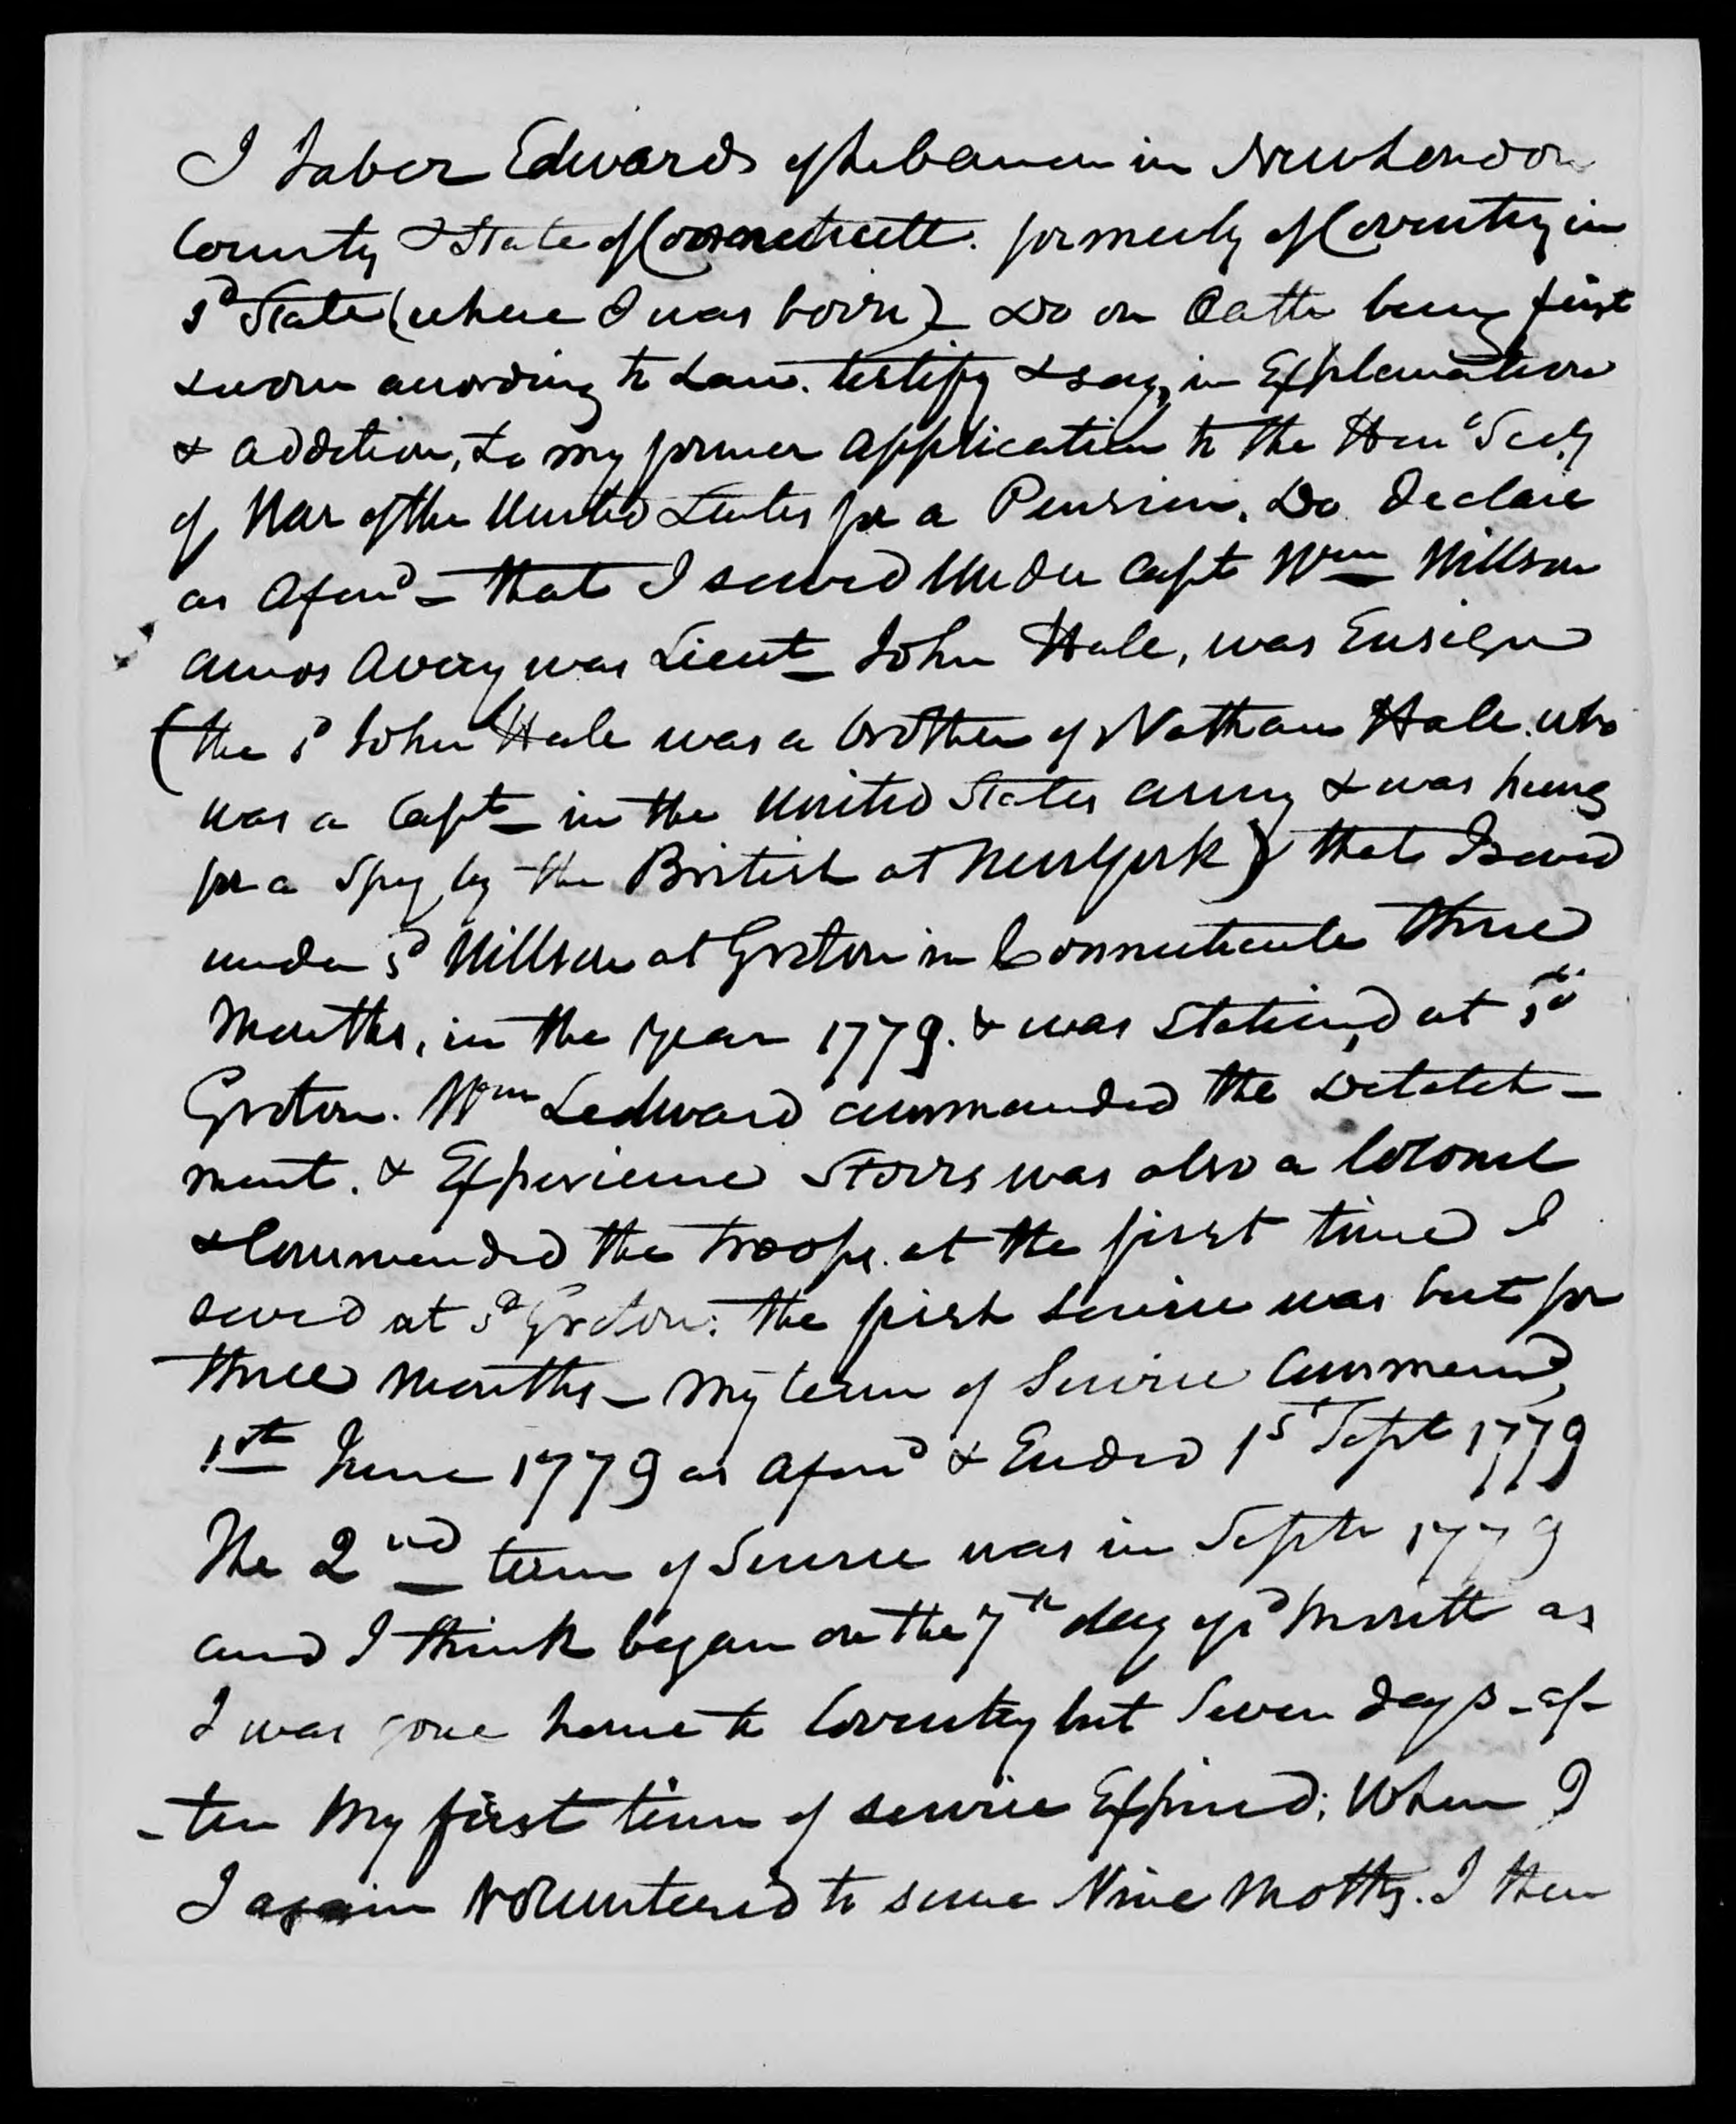I Jabez Edwards of Lebanon in New London County State of Connecticut formerly of Coventry in said State (where I was born)  - Do on oath being first sworn according to law testify & say in explanation & addition, to my former application to the Hon. Secretary of War of the United States for a pension, do declare as aforementioned that I served under Capt. Wm. Willson [illegible...] was Lieut. John Hale, was ensign (the said John Hale was a brother of Nathan Hale who was a Captain in the United States Army & was hung for a spy by the British at New York) that served under said Willson at Groton in Connecticut three months, in the year 1779 & was stationed at said Groton. Wm. Ledward commanded the detachment & Experience Storrs was also a Colonel & commanded the troops at the first time I served at said Groton. The first service was but for three months. My term of service commenced 1st June 1779 as aforesaid & ended 1st Sept 1779. The 2nd term of service was in Sept. 1779 and I think began on the 7th day of March as I was gone home to Coventry but seven days of ten my first time of service expired. When I again volunteered to serve nine months. I then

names: Wm Willson, John Hale, Jabez Edwards, Amos Avery, Wm Ledward, John Hale, Nathan Hale, Willson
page: 9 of 50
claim: survivor's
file: S 10607, Jabez Edwards, Conn.